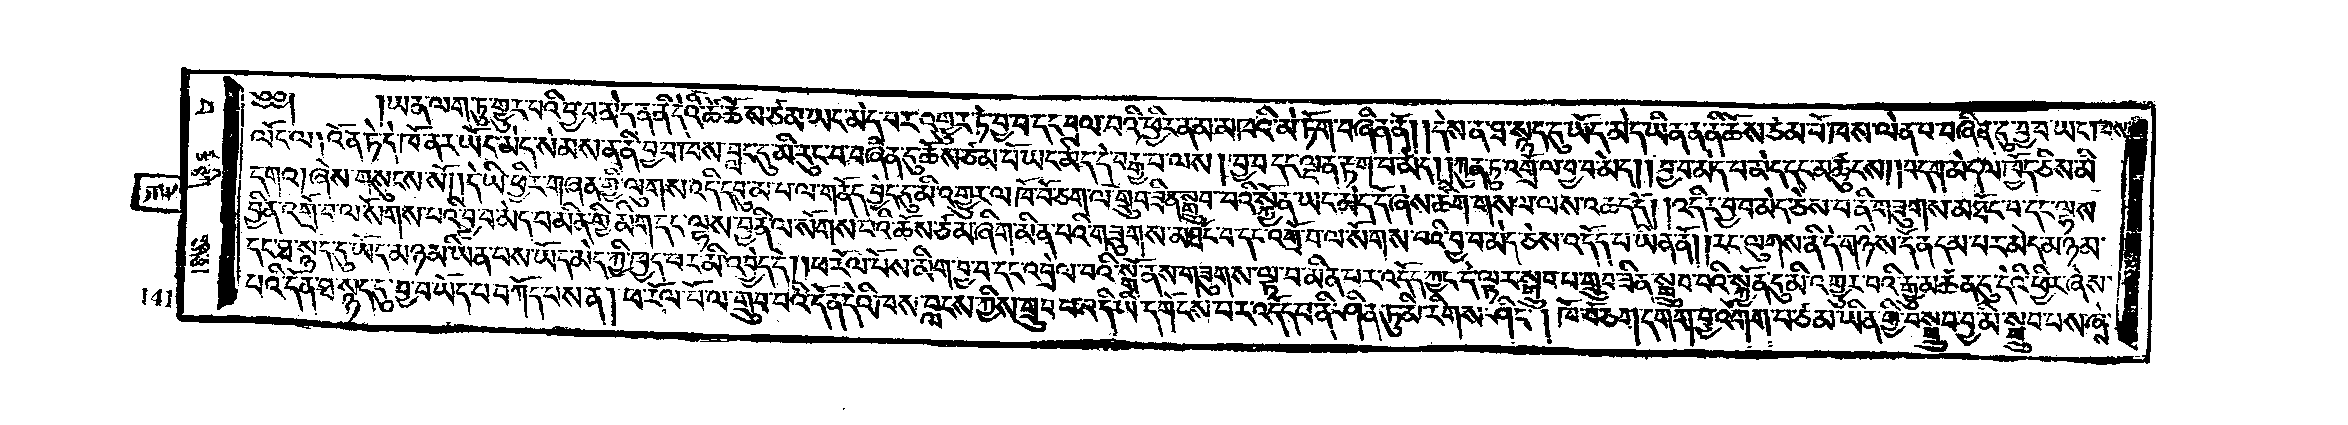༄༅། །ཡན་ལག་ཏུ་གྱུར་པའི་བྱ་བ་མེད་ན་ནི་དེའི་ཚེ་ཆོས་ཙམ་ཡང་མེད་པར་འགྱུར་ཏེ་བྱ་བ་དང་བྲལ་བའི་ཕྱིར་ནམ་མཁའི་མེ་ཏོག་བཞིན་ནོ། །དེས་ན་ཐ་སྙད་དུ་ཡོད་མེད་ཡིན་ན་ནི་ཆོས་ཙམ་པོ་ཁས་ལེན་པ་བཞིན་དུ་བྱ་བ་ཡང་ཁས་
ལོང་ལ། འོན་ཏེ་དེ་ཁོ་ནར་ཡོད་མེད་སེམས་ན་ནི་བྱ་བ་ཁས་བླང་དུ་མི་རུང་བ་བཞིན་དུ་ཆོས་ཙམ་པོ་ཡང་མེད་དེ་བརྒྱ་བ་ལས། བྱ་བ་དང་ལྡན་རྟག་པ་མེད། །ཀུན་ཏུ་འགྲོ་ལ་བྱ་བ་མེད། །བྱ་བ་མེད་པ་མེད་དང་མཚུངས། །བདག་མེད་ལ་ཁྱོད་ཅིས་མི་
དགའ། ཞེས་གསུངས་སོ། །དེ་ཡི་ཕྱིར་གཞན་གྱི་ལུགས་འདི་དབུ་མ་པ་ལ་གནོད་བྱེད་དུ་མི་འགྱུར་ལ་ཁོ་བོ་ཅག་ལ་གྲུབ་ཟིན་སྒྲུབ་པའི་སྐྱོན་ཡང་མེད་དོ་ཞེས་ཚིག་གསལ་ལས་འཆད་དོ། །འདིར་བྱ་བ་མེད་ཅེས་པ་ནི་གཟུགས་མཐོང་བ་དང་ལྷས་
བྱིན་འགྲོ་བ་ལ་སོགས་པའི་བྱ་བ་མེད་པ་མིན་གྱི་མིག་དང་ལྷས་བྱིན་ལ་སོགས་པའི་ཆོས་ཙམ་ཞིག་མིན་པའི་ཟུགས་མཐོང་བ་དང་འགྲོ་བ་ལ་སོགས་པའི་བྱ་བ་མེད་ཅེས་འདོད་པ་ཡིན་ནོ། །རང་ལུགས་ནི་དེ་གཉིས་དོན་དམ་པར་མེད་མཉམ་
དང་ཐ་སྙད་དུ་ཡོད་མཉམ་ཡིན་པས་ཡོད་མེད་ཀྱི་ཁྱད་པར་མི་འབྱེད་དེ། །ཕ་རོལ་པོས་མིག་བྱ་བ་དང་འབྲེལ་བའི་སྒོ་ནས་གཟུགས་ལྟ་བ་མིན་པར་འདོད་ཀྱང་དེ་ལྟར་སྒྲུབ་པ་གྲུབ་ཟིན་སྒྲུབ་པའི་སྐྱོན་དུ་མི་འགྱུར་བའི་རྒྱུ་མཚན་དུ་དེའི་ཕྱིར་ཞེས་
པའི་དོན་ཐ་སྙད་དུ་བྱ་བ་ཡོད་པ་བཀོད་པས་ན། ཕ་རོལ་པོ་ལ་གྲུབ་པའི་དོན་དེའི་ཁས་བླངས་ཀྱིས་གྲུབ་པ་འདི་ཡི་དགོངས་པར་འདོད་པ་ནི་ཤིན་ཏུ་མི་རིགས་ཤིང་། ཁོ་བོ་ཅག་དགག་བྱ་འགོག་པ་ཙམ་ཡིན་གྱི་བསྒྲུབ་བྱ་མི་སྒྲུབ་པས་ཞེས་